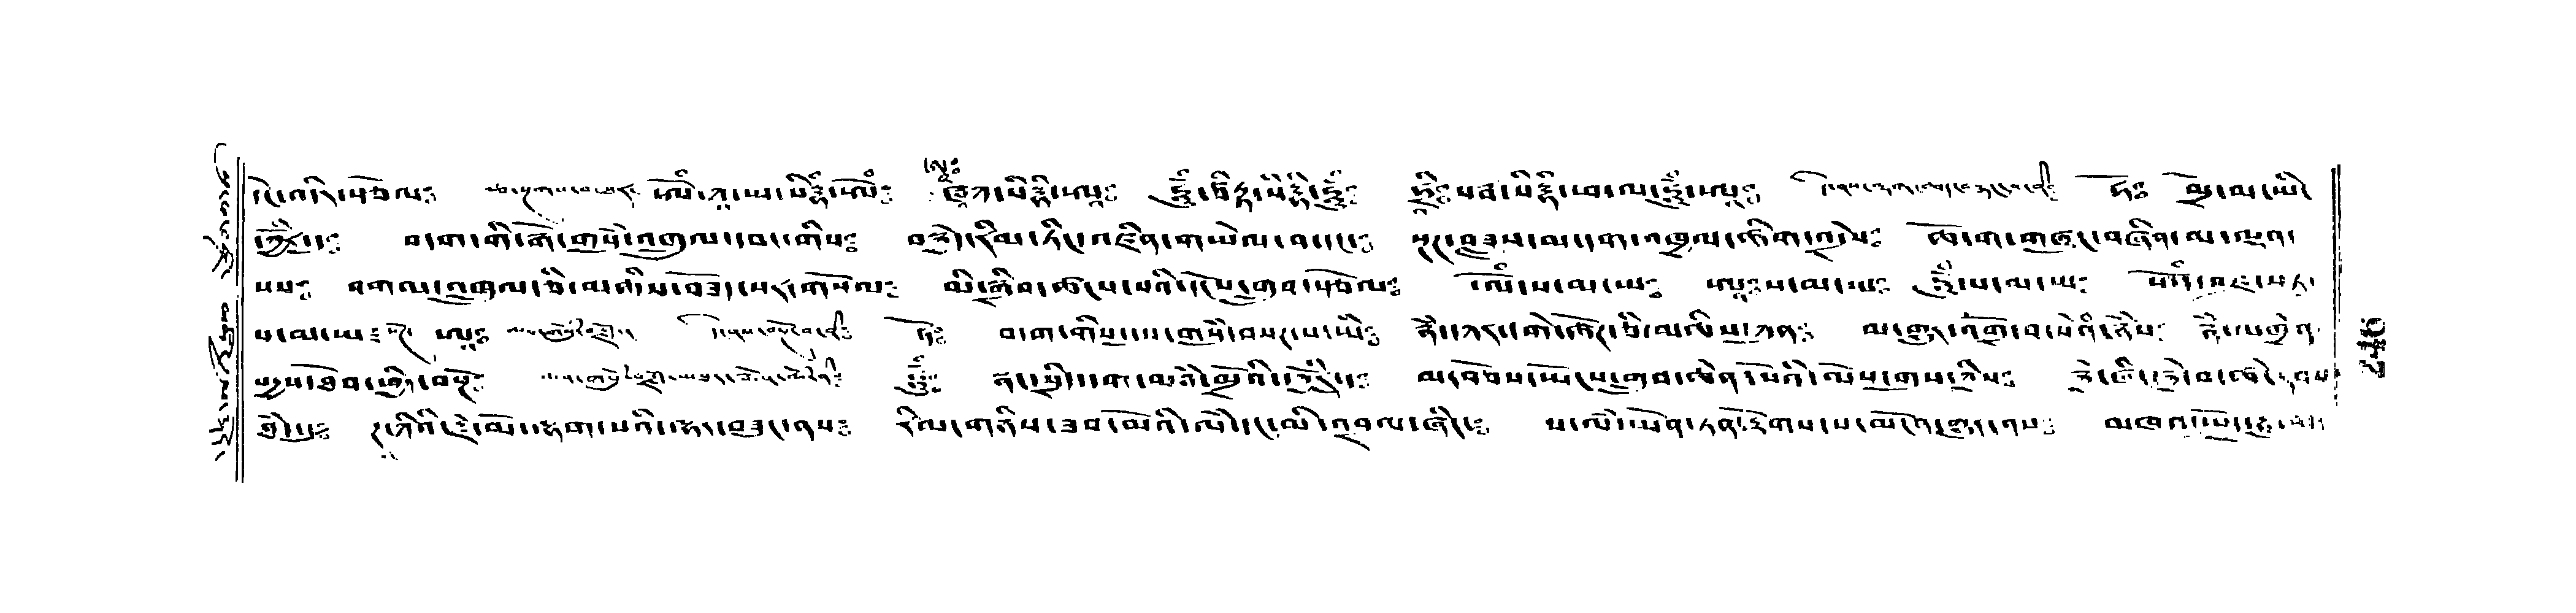དེང་འདིར་སྩོལ༔ རྩ་སྔགས་མ་ཐར༔ ཨོཾ་ཀཱ་ཡ་སིདྡྷི་ཨོཾ༔ ཨཱཿཝཀྐ་སིདྡྷི་ཨཱཿ ཧཱུྃ་ཙིཏྟ་སིདྡྷི་ཧཱུྃ༔ ཧྲཱིཿསརྦ་སིདྡྷི་ཕ་ལ་ཧཱུྃ་ཨཱཿ དེ་ནས་ལྷག་ཆད་བསྐང་བ་ནི༔ ཧོཿ མཁའ་འགྲོ་མ་ཡི་
དཀྱིལ་འཁོར་དུ༔ བདག་གི་སྒོ་གསུམ་འཁྲུལ་དབང་གིས༔ བསྐྱེད་རིམ་ཏིང་འཛིན་གཡེལ་བ་དང༔ སྔགས་བཟླས་མ་དག་འཁྱལ་ཚིག་འདྲེས༔ ཆོ་ག་གཞུང་བཞིན་མ་ལྡན་
པས༔ འགལ་འཁྲུལ་ཅི་མཆིས་བཟོད་པར་གསོལ༔ མ་སྒྲིབ་ཚངས་པའི་དངོས་གྲུབ་སྩོལ༔ ཨོཾ་ས་མ་ཡ༔ ཨཱཿས་མ་ཡ༔ ཧཱུྃ་ས་མ་ཡཿ ཨོཾ་བཛྲ་སཏྭ་
ས་མ་ཡ་སོགས༔ ཨཱཿ ལན་གསུམ་བརྗོད༔ དེ་ནས་བསྔོ་བ་ནི༔ ཧོཿ བདག་གིས་དུས་གསུམ་བསགས་པ་ཡི༔ རྣམ་དཀར་དགེ་ཚོགས་ཅི་མཆིས་ཀུན༔ མ་གྱུར་འགྲོ་བ་སེམས་ཅན་རྣམས༔ རྣམ་མཁྱེན་
སངས་རྒྱས་ཐོབ་ཕྱིར་བསྔོ༔ ལན་གསུམ་བརྗོད་མཐར་སྨོན་ལམ་ནི༔ ཧཱུྃ༔ སྣང་སྲིད་དག་མཉམ་མཁའ་འགྲོའི་དཀྱིལ་འཁོར་དུ༔ མ་བཅོས་ཡོངས་གྲུབ་ཆེན་པོའི་མོས་གུས་ཀྱིས༔ སྐྱེ་ཞིང་སྐྱེ་བ་ཚེ་རབས་
ཐམས་ཅད་དུ༔ ཌཱ་ཀིའི་རྗེ་མོ་ལྷག་པའི་ལྷར་བཟུང་ནས༔ རིམ་གཉིས་ཟབ་མོའི་ལམ་དང་མི་འབྲལ་ཞིང༔ ས་ལམ་ཡོན་ཏན་རྟོགས་པ་མངོན་གྱུར་ནས༔ མཁའ་སྤྱོད་དྷུ་མ་